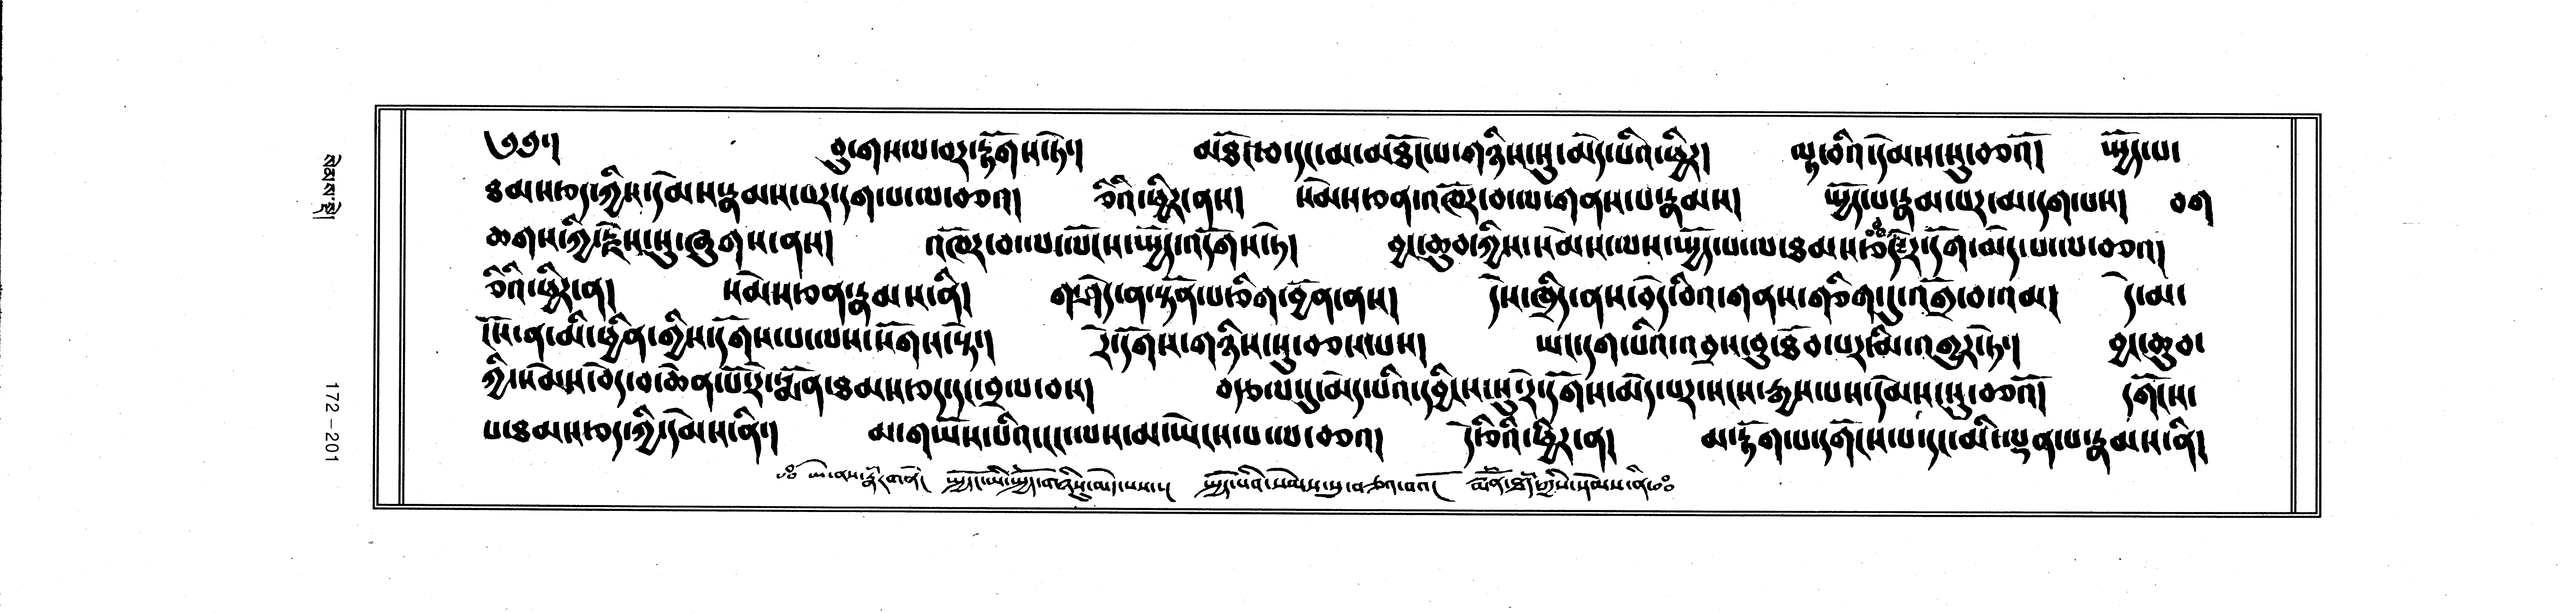བུ་གསལ་བར་རྟོགས་ཏེ། མཐོང་བ་དང་མ་མཐོང་པ་གཉིས་སུ་མེད་པའི་ཕྱིར། ལྟ་བའི་དེམ་སུ་བཅའོ། སྤྱོད་པ་
ཐམས་ཅད་ཀྱིས་དེམ་རྣམ་པར་དག་པ་ལ་བཅའ། ཅིའི་ཕྱིར་ནས། སེམས་ཅན་འཁོར་བ་ལ་གནས་པ་རྣམས། སྤྱོད་པ་རྣམ་པར་མ་དག་པས། བག་
ཆགས་ཀྱི་རྗེས་སུ་ཞུགས་ནས། འཁོར་བ་ལ་ལོངས་སྤྱོད་འདོགས་ཏེ། བྱང་ཆུབ་ཀྱིས་སེམས་ལས་སྤྱོད་པ་ལ་ཐམས་ཅད་ཡེ་ནས་རྣམ་པར་དག་ནོ། སྤྱོད་དང་མི་སྤྱོད་གཉིས་སུ་མེད་པས། སྤྱོད་པའི་སེམས་སུ་བཅའ་བའོ། སྨོན་ལམ་ཐམས་ཅད་ཀྱིས་སེམས་ནི། རེ་དོགས་མེད་པ་ལ་བཅའ། 
ཅིའི་ཕྱིར་ན། སེམས་ཅན་རྣམས་ནི། གཤེད་ན་སྟོན་པ་ཅིག་བྱོན་ནས། དེས་ཁྲིད་ནས་བདེ་བའི་གནས་གཅིག་དུ་འགྲོ་བའམ། དེ་མ་
ངོས་ན་མི་ཕྱིན་གྱིས་དགོས་པ་ལས་སོགས་སྟེ། རེ་དོགས་གཉིས་སུ་བཅས་པས། ཡང་དག་པའི་འབྲས་བུ་ཐོབས་པར་མི་འགྱུར་ཏེ། བྱང་ཆུབ་
ཀྱིས་སེམས་བདེ་བ་ཆེན་པོ་རེ་སྨོན་ཐམས་ཅད་དང་བྲལ་བས། བརྩལ་དུ་མེད་པའི་དབྱིངས་སུ་རེ་དོགས་མེད་པར་སངས་རྒྱས་པས་དེམ་སུ་བཅའོ། དགོངས་
པ་ཐམས་ཅད་ཀྱི་དེམས་ནི། མ་གཡོས་པའི་ངང་ལས་མ་གཡེངས་པ་ལ་བཅའ། དེ་ཅིའི་ཕྱིར་ན། མ་རྟོགས་པ་དགོངས་པ་དང་མི་ལྡན་པ་རྣམས་ནི།